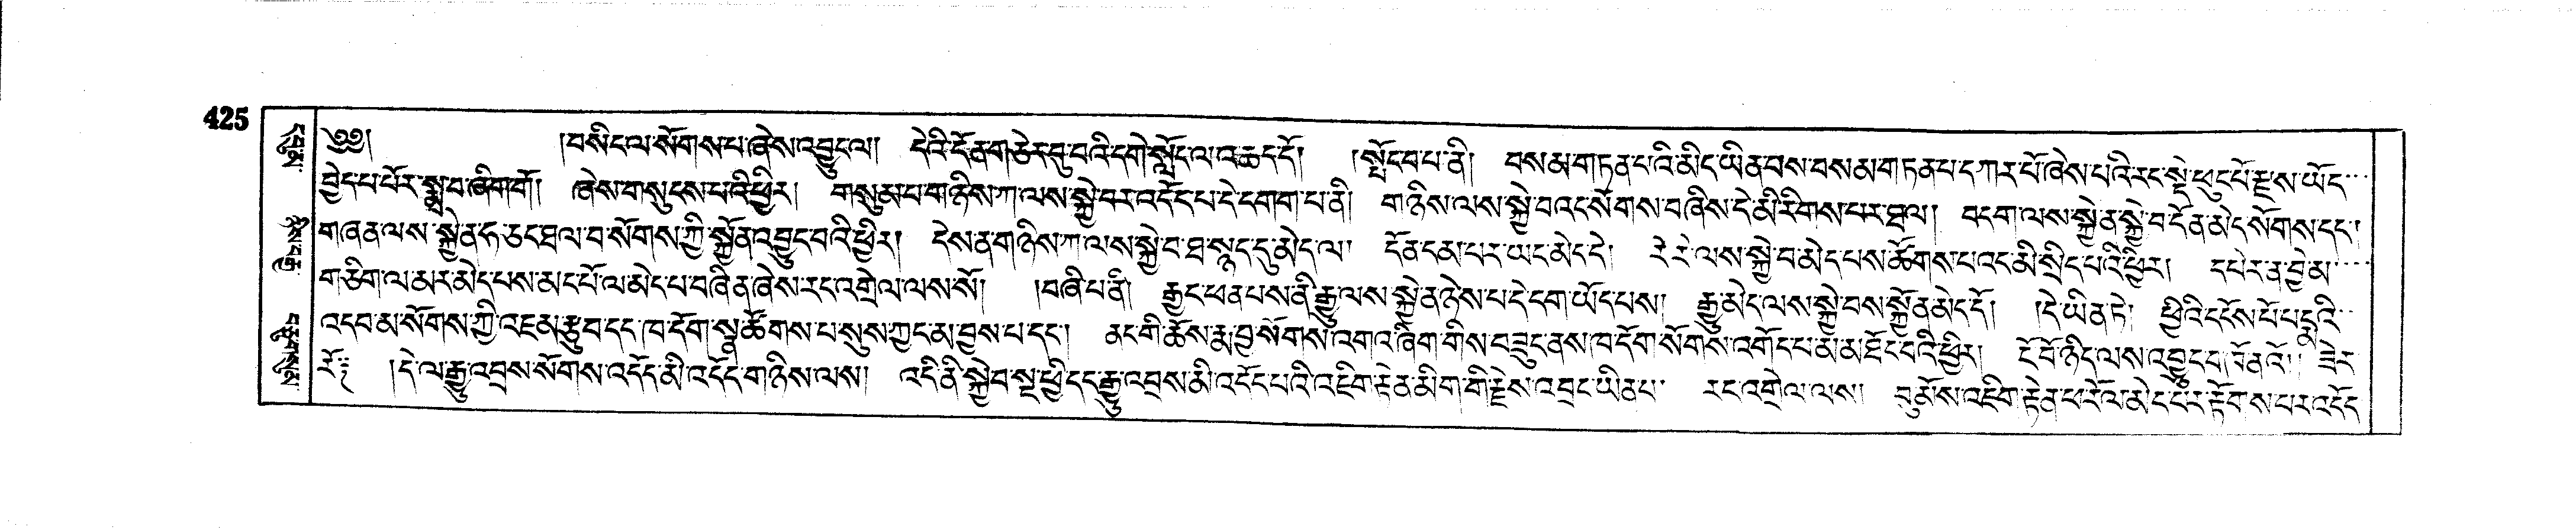༄༅། །བསིང་ལ་སོགས་པ་ཞེས་འབྱུང་ལ། དེའི་དོན་གཅེར་བུ་བའི་དགེ་སློང་ལ་འཆད་དོ། །སྤོང་བ་པ་ནི། བསམ་གཏན་པའི་མིང་ཡིན་པས་བསམ་གཏན་པ་དཀར་པོ་ཞེས་པའི་རང་སྡེ་ཕུང་པོ་རྫས་ཡོད་
བྱེད་པ་པོར་སྨྲ་བ་ཞིག་གོ། ཞེས་གསུངས་པའི་ཕྱིར། གསུམ་པ་གཉིས་ཀ་ལས་སྐྱེ་བར་འདོད་པ་དེ་དགག་པ་ནི། གཉིས་ལས་སྐྱེ་བའང་སོགས་བཞིས་དེ་མི་རིགས་པར་ཐལ། བདག་ལས་སྐྱེ་ན་སྐྱེ་བ་དོན་མེད་སོགས་དང་།
གཞན་ལས་སྐྱེ་ན་ཧ་ཅང་ཐལ་བ་སོགས་ཀྱི་སྐྱོན་འབྱུང་བའི་ཕྱིར། དེས་ན་གཉིས་ཀ་ལས་སྐྱེ་བ་ཐ་སྙད་དུ་མེད་ལ། དོན་དམ་པར་ཡང་མེད་དེ། རེ་རེ་ལས་སྐྱེ་བ་མེད་པས་ཚོགས་པའང་མི་སྲིད་པའི་ཕྱིར། དཔེར་ན་བྱེ་མ་
གཅིག་ལ་མར་མེད་པས་མང་པོ་ལ་མེད་པ་བཞིན་ཞེས་རང་འགྲེལ་ལས་སོ། །བཞི་པ་ནི། རྒྱང་ཕན་པས་ནི་རྒྱུ་ལས་སྐྱེ་ན་ཉེས་པ་དེ་དག་ཡོད་པས། རྒྱུ་མེད་ལས་སྐྱེ་བས་སྐྱོན་མེད་དོ། །དེ་ཡིན་ཏེ། ཕྱིའི་དངོས་པོ་པདམའི་
འདབ་མ་སོགས་ཀྱི་འཇམ་རྩུབ་དང་ཁ་དོག་སྣ་ཚོགས་པ་སུས་ཀྱང་མ་བྱས་པ་དང་། ནང་གི་ཆོས་རྨ་བྱ་སོགས་འགའ་ཞིག་གིས་བཟུང་ནས་ཁ་དོག་སོགས་འགོང་པ་མ་མཐོང་བའི་ཕྱིར། ངོ་བོ་ཉིད་ལས་འབྱུང་བ་ཁོ་ནའོ། །ཟེར་
རོ༑ །དེ་ལ་རྒྱུ་འབྲས་སོགས་འདོད་མི་འདོད་གཉིས་ལས། འདི་ནི་སྐྱེ་བ་སྔ་ཕྱི་དང་རྒྱུ་འབྲས་མི་འདོད་པའི་འཇིག་རྟེན་མིག་གི་རྗེས་འབྲང་ཡིན་པ། རང་འགྲེལ་ལས། བུ་མོས་འཇིག་རྟེན་ཕ་རོལ་མེད་པར་རྟོགས་པར་འདོད་